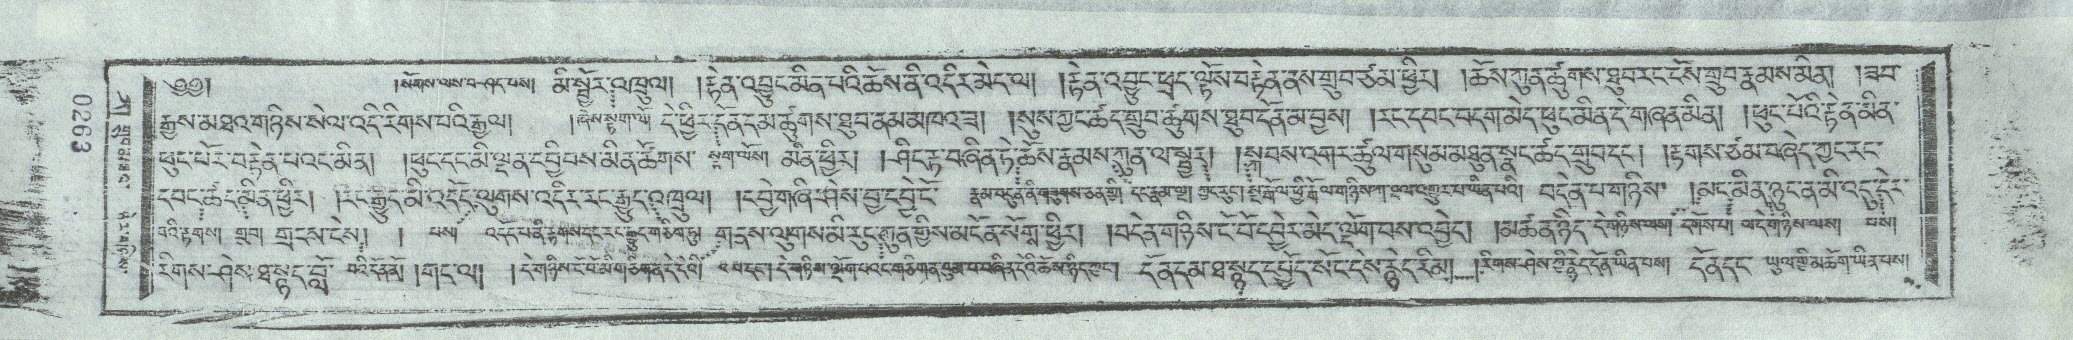༄༅། །????? མི་སྦྱོར་འཁྲུལ། །རྟེན་འབྱུང་མིན་པའི་ཆོས་ནི་འདིར་མེད་ལ། །རྟེན་འབྱུང་ཕྲད་ལྟོས་བརྟེན་ནས་གྲུབ་ཙམ་ཕྱིར། །ཆོས་ཀུན་ཚུགས་ཐུབ་རང་ངོས་གྲུབ་རྣམས་མིན། །ཟང་
རྒྱས་མཐའ་གཉིས་སེལ་འདི་རིགས་པའི་རྒྱལ། །ཞེས་སྟག་གོ་དེ་ཕྱིར་དོན་དམ་ཚུགས་ཐུབ་ནམ་མཁའ་ཟ། །སུས་ཀྱང་ཚད་གྲུབ་ཚུགས་ཐུབ་དོན་མ་བྱས། །རང་དབང་བདག་མེད་ཕུང་མིན་དེ་གཞན་མིན། །ཕུང་པོའི་རྟེན་མིན་
ཕུང་པོར་བརྟེན་པའང་མིན། །ཕུང་དང་མི་ལྡན་དབྱིབས་མིན་ཚོགས་སྟག་ལོས། མིན་ཕྱིར། །ཤིང་རྟ་བཞིན་ཏེ་ཆོས་རྣམས་ཀུན་ལ་སྦྱར། །སྐབས་འགར་ཚུལ་གསུམ་མཐུན་སྣང་ཚད་གྲུབ་དང་། །རྟགས་ཙམ་བཞེད་ཀྱང་རང་
དབང་ཚད་མིན་ཕྱིར། །རང་རྒྱུད་མི་འདོད་ལུགས་འདིར་རང་རྒྱུད་འཁྲུལ། །དབྱེ་གཞི་ཤེས་བྱ་དབྱེ་ངོ་རྣམ་བདུན་ནི་གཟུགས་ཅན་གྲི་དང་རྣམ་ལྔ། ????རྒོལ་བྱི་རོལ་ཕྱི་རོལ་གཉིས་ཀ་བྱ་ལ་འགྱུར་པ་ཡིན་པའི། བདེན་པ་གཉིས། མང་མིན་ཉུང་ན་མི་འདུ་དེར་
?་རྟགས། ??། གྲངས་ངེས། ??འདོད་པ་ནི་རྟགས་དང་རང་རྒྱུད་གཅིག་པུ། གནས་ལུགས་མི་རུང་ཀུན་གྱིས་མངོན་པོ་གྲ་ཕྱིར། །བདེན་གཉིས་ངོ་བོ་དབྱེར་མེད་ལྡོག་པས་འབྱེད། །མཚན་ཉིད་དེ་གཉིས་ལས། དགོས་པ། ལ་དེ་གཉིས་ལས། པས་
རིགས་ཤེས་ཐ་སྙད་བློ་པའི་དོན་མོ། གང་ལ། །དེ་གཉིས་ངོ་བོ་མེད་གཅིག་ན་དེ་དེའི། རབ་དང་། དེ་གཉིས་ལྡོག་པའང་གཅིག་ན་སུམ་པ་བཞིན་དེའི་ཆོས་ཉིད་ཀྱང་། དོན་དམ་ཐ་སྙད་དཔྱོད་སོང་དེས་རྙེད་རི། །རིགས་ཤེས་ཀྱི་རྙེད་དོན་ཡིན་ལས། དོན་དང་། ཡུལ་གྱི་མཆོག་ཡིན་པ་ལ།